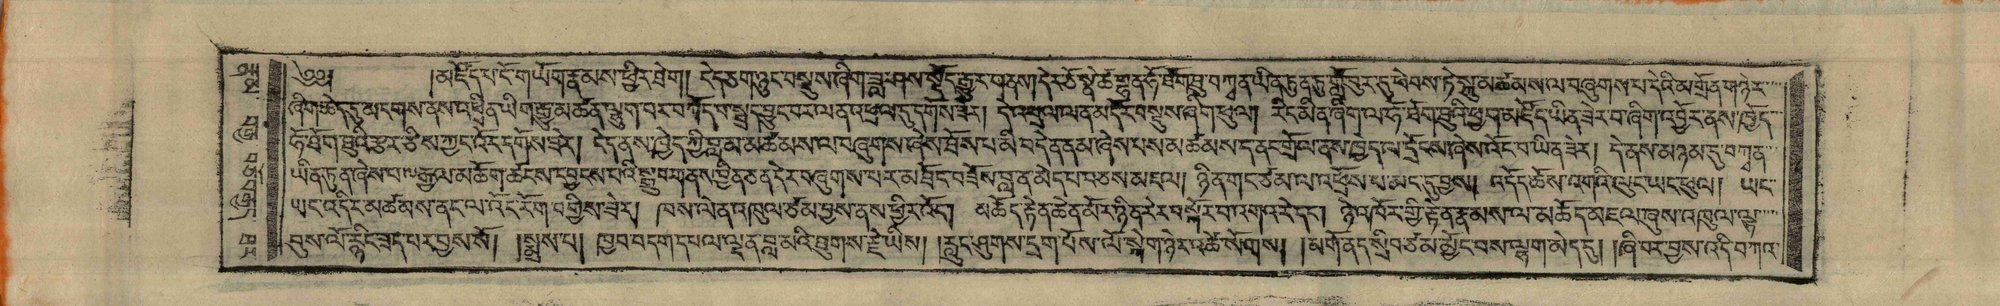༄༅། །མཛོད་པ་ངོ་གཡོག་རྣམས་ཕྱིར་ཐེག ། ངེད་ཅག་ཉུང་བསྡུས་ཞིག་ཟླ་ཤས་སྡོད་རྒྱུར་གནས། དེར་ཅོ་སྣེ་ཚ་གྷན་ཧོ་ཐོག་ཐུ་བཀྭན་ཡིན་ཏུན་ཏུ་གློ་བུར་དུ་ཕེབས་ཏེ་སྐུ་མཚམས་ལ་བཞུགས་པ་དེའི་མགྲོན་གཉེར་
ཞིག་ཆེད་དུ་མངགས་ནས་འཕྲིན་ཡིག་རྒྱུ་མཚན་ལྷུག་པར་བཀོད་པ་སྤྲད་བྱུང་བར་ལན་འཕྲལ་དུ་དགོས་ཟེར། དེ་འཕྲལ་ལན་མདོར་བསྡུས་ཞིག་ཕུལ། རིང་མིན་ཞིག་ལ་ཧོ་ཐོག་ཐུའི་ཕྱག་མཛོད་ཡིན་ཟེར་བ་ཞིག་འབྱོར་ནས་ཁྱོད་
ཧོ་ཐོག་ཐུའི་རྩར་ཅིས་ཀྱང་འོང་དགོས་ཟེར། ངེད་ནས་ཁྱེད་ཀྱི་བླ་མ་མཚམས་ལ་བཞུགས་ཞེས་ཐོས་པ་མི་བདེན་ནམ་ཞེས་པས་མཚམས་ད་ནང་གྲོལ་ནས་ཁྱེད་ལ་དྲོངས་ཞེས་འོང་བ་ཡིན་ཟེར། དེ་ནས་མཉམ་དུ་བཀྭན་
ཡིན་ཏུན་ཞེས་པ་༧་རྒྱལ་མཆོག་ཚངས་དབྱངས་པའི་སྒྲུབ་གནས་བྱིན་ཅན་དེར་བཞུགས་པར་མཐོང་བཟོས་བླ་ན་མེད་པ་བཅས་མཇལ། ཉིན་གང་ཙམ་ལ་འཕྲོས་པ་མང་དུ་བྱས། འདོད་ཆོས་འགའི་ལུང་ཡང་ཕུལ། ཡང་
ཡང་འདིར་མཚམས་ནང་ལ་འོང་རོག་བགྱིས་ཟེར། ཁས་ལེན་འཁུལ་ཙམ་བྱས་ནས་ཕྱིར་འོང་། མཆོད་རྟེན་ཆེན་མོར་ཉིན་རེར་བསྐོར་བ་འགའ་རེ་དང་། ཉེ་འཁོར་གྱི་རྟེན་རྣམས་ལ་མཆོད་མཇལ་ཞུས་འཁུལ་ལྟ་
བུས་ལོ་རྙིང་ཟད་པར་བྱས་སོ། །སྨྲས་པ། ཁྱབ་བདག་དཔལ་ལྡན་བླ་མའི་ཐུགས་རྗེ་ཡིས། །རླུང་ཤུགས་དྲག་པོས་ལོ་སྐེག་ཉེར་འཚེ་སོགས། །མགོ་ནད་སྲིབ་ཙམ་མྱོང་བས་ལྷག་མེད་དུ། །ཞི་བར་བྱས་འདི་བཀའ་